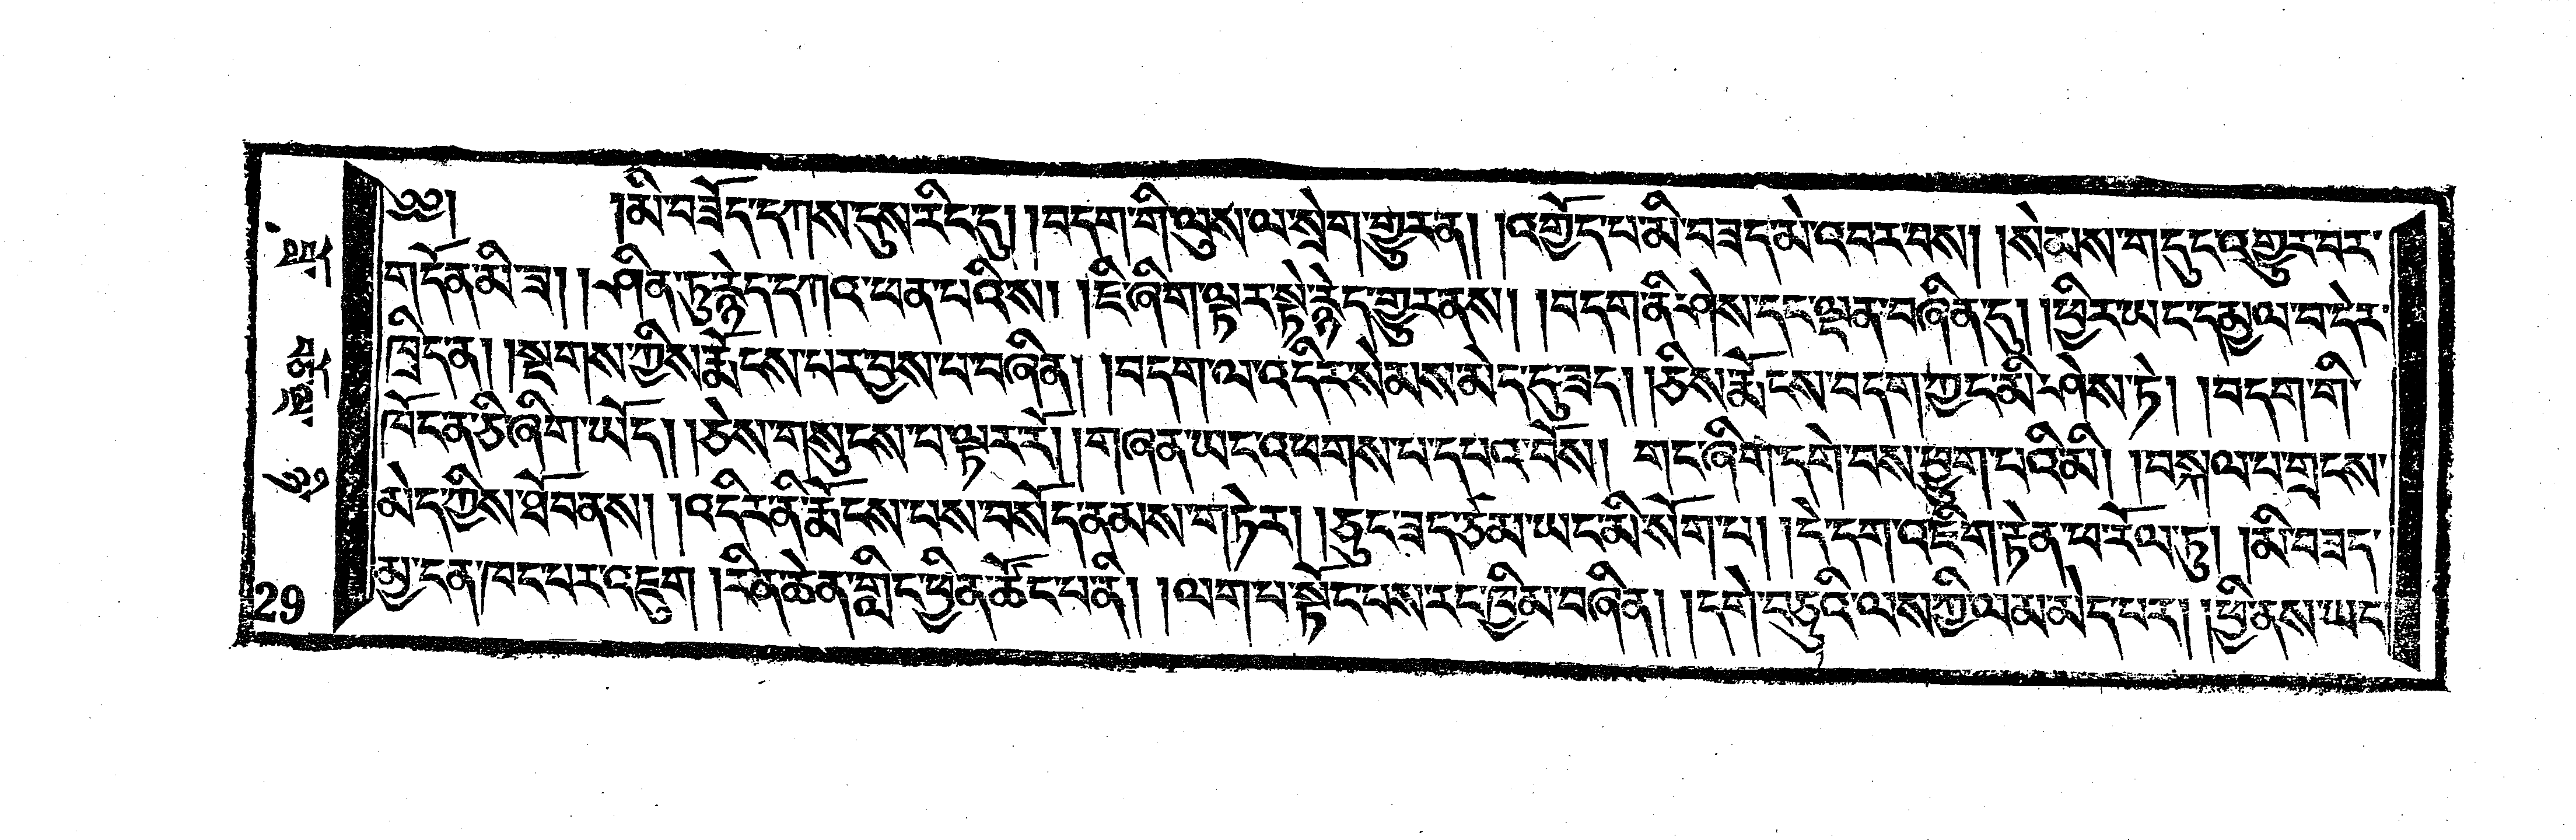༄༅། །མི་བཟོད་དཀས་དུས་རིང་དུ། །བདག་གི་ལུས་ལ་སྲེག་གྱུར་ན། །འགྱོད་པ་མི་བཟད་མེ་འབར་བས། །སེམས་གདུང་འགྱུར་བར་
གདོན་མི་ཟ། །ཤིན་ཏུ་རྙེད་དཀའ་ཕན་པའི་ས། །ཇི་ཞིག་ལྟར་སྟེ་རྙེད་གྱུར་ནས། །བདག་ནི་ཤེས་དང་ལྡན་བཞིན་དུ། །ཕྱིར་ཡང་དམྱལ་བ་དེར་
ཁྲིད་ན། །སྔགས་ཀྱིས་རྨོངས་པར་བྱས་པ་བཞིན། །བདག་ལ་འདིར་སེམས་མེད་དུ་ཟད། །ཅིས་རྨོངས་བདག་ཀྱང་མི་ཤེས་ཏེ། །བདག་གི་
ཁོང་ན་ཅི་ཞིག་ཡོད། །ཅེས་གསུངས་པ་ལྟར་རོ། །གཞན་ཡང་འཕགས་པ་དཔའ་བོས། གང་ཞིག་དགེ་བས་ཕྱུག་པའི་མི། །བསྐལ་པ་གྲངས་
མེད་ཀྱིས་ཐོབ་ནས། །འདིར་ནི་རྨོངས་པས་བསོད་ནམས་གཏེར། །ཅུང་ཟད་ཙམ་ཡང་མི་སོག་པ། །དེ་དག་འཇིག་རྟེན་ཕ་རོལ་ཏུ། །མི་བཟད་
མྱ་ངན་ཁང་པར་འཇུག །རིན་ཆེན་གླིང་ཕྱིན་ཚོང་པ་ནི། །ལག་པ་སྟོང་པས་རང་ཁྱིམ་བཞིན། །དགེ་བཅུའི་ལས་ཀྱི་ལམ་མེད་པར། །ཕྱི་ནས་ཡང་